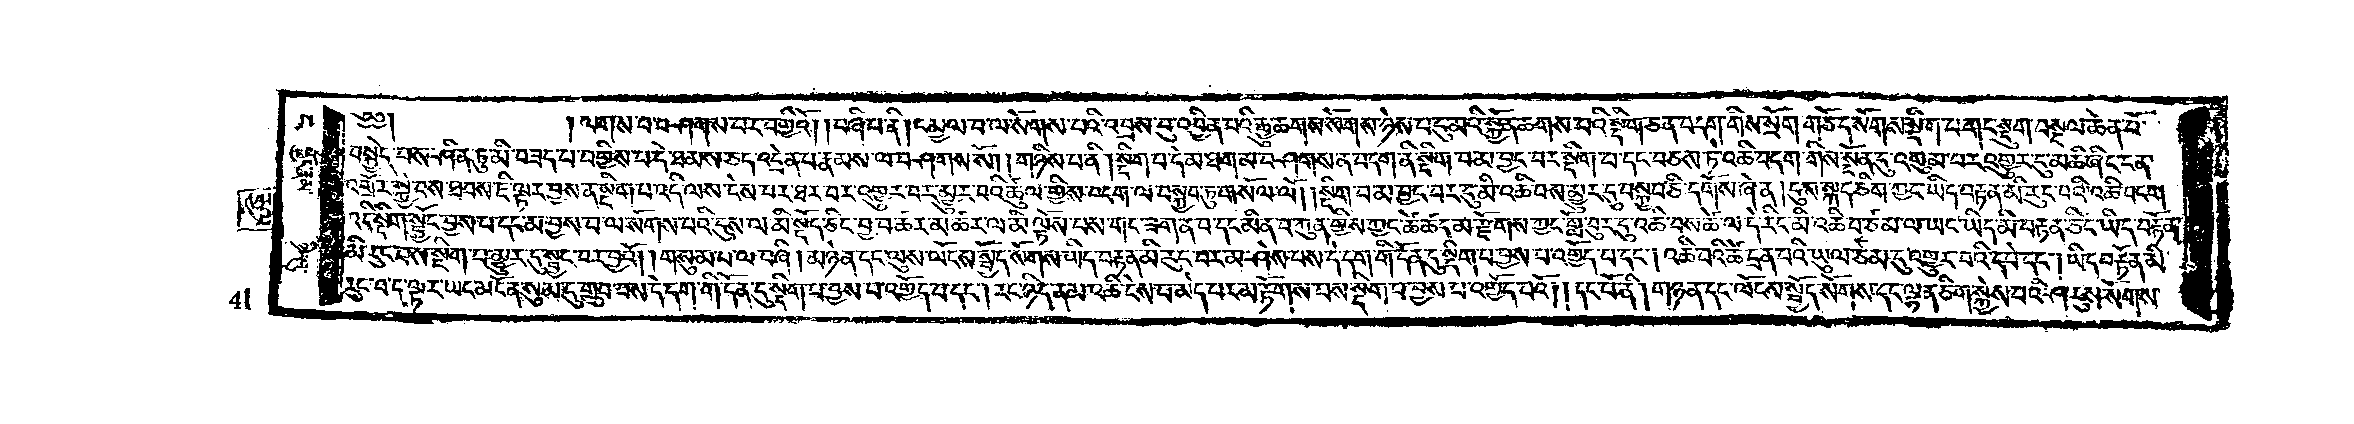༄༅། །ལགས་པ་བཤགས་པར་བགྱིའོ། །བཞི་པ་ནི། དམྱལ་བ་ལ་སོགས་པའི་འབྲས་བུ་འབྱིན་པའི་རྒྱུ་ཆགས་སོགས་ཉེས་པ་དུ་མའི་སྐྱོན་ཆགས་པའི་སྡིག་ཅན་བདག་གིས་སྲོག་གཅོད་སོགས་སྡིག་པ་གང་སྡུག་བསྔལ་ཆེན་པོ་
བསྐྱེད་པས་ཤིན་ཏུ་མི་བཟད་པ་བགྱིས་པ་དེ་ཐམས་ཅད་འདྲེན་པ་རྣམས་ལ་བཤགས་སོ། གཉིས་པ་ནི། སྡིག་པ་དེ་མ་ཐག་མ་བཤགས་ན་བདག་ནི་སྡིག་པ་མ་བྱང་བར་སྡིག་པ་དང་བཅས་ཏེ་འཆི་བདག་གིས་སྔོན་དུ་འགུམ་པར་འགྱུར་དུ་མཆི་ཞིང་ངན་
འགྲོར་སྐྱེ་བས་ཐབས་ཇི་ལྟར་བྱས་ན་སྡིག་པ་འདི་ལས་ངེས་པར་ཐར་པར་འགྱུར་བར་མྱུར་བའི་ཚུལ་གྱིས་བདག་ལ་བསྐྱབ་ཏུ་གསོལ་ལོ། །སྡིག་པ་མ་བྱང་བར་དུ་མི་འཆི་བས་མྱུར་དུ་བསྐྱབ་ཅི་དགོས་ཞེ་ན། དུས་སྐད་ཅིག་ཀྱང་ཡིད་བརྟན་མི་རུང་བའི་འཆི་བདག་
འདི་སྡིག་སྦྱོང་བྱས་པ་དང་མ་བྱས་པ་ལ་སོགས་པའི་དུས་ལ་མི་སྡོད་ཅིང་བྱ་བ་ཚར་མ་ཚར་ལ་མི་ལྟོས་པས་གང་ཟག་ན་བ་དང་མིན་པ་ཀུན་གྱིས་ཀྱང་ཚེ་ཚད་མ་རྫོགས་ཀྱང་གློ་བུར་དུ་འཆི་བས་ཚེ་ལ་དེ་རིང་མི་འཆི་བ་ཙམ་ལ་ཡང་ཡིད་མི་བརྟན་ཅིང་ཡིད་བརྟོན་
མི་རུང་བས་སྡིག་པ་མྱུར་དུ་སྦྱང་བར་བྱའོ། །གསུམ་པ་ལ་བཞི། མཉེན་དང་ལུས་ལོངས་སྤྱོད་སོགས་ཡིད་བརྟན་མི་རུང་བར་མ་ཤེས་པས་དེ་དག་གི་དོན་དུ་སྡིག་པ་བྱས་པ་འགྱོད་པ་དང་། འཆི་བའི་ཚེ་དྲན་པའི་ཡུལ་ཙམ་དུ་འགྱུར་བའི་དཔེ་དང་། ཡིད་བརྟོན་མི་
རུང་བ་དེ་ལྟར་ཡང་མངོན་སུམ་དུ་གྲུབ་པས་དེ་དག་གི་དོན་དུ་སྡིག་པ་བྱས་པ་འགྱོད་པ་དང་། རང་ཉིད་ནམ་འཆི་ངེས་པ་མེད་པར་མ་རྟོགས་པས་སྡིག་པ་བྱས་པ་འགྱོད་པའོ། །དང་པོ་ནི། གཉན་དང་ལོངས་སྤྱོད་སོགས་དང་ལྷན་ཅིག་སྐྱེས་པའི་ཤ་རུས་སོགས་